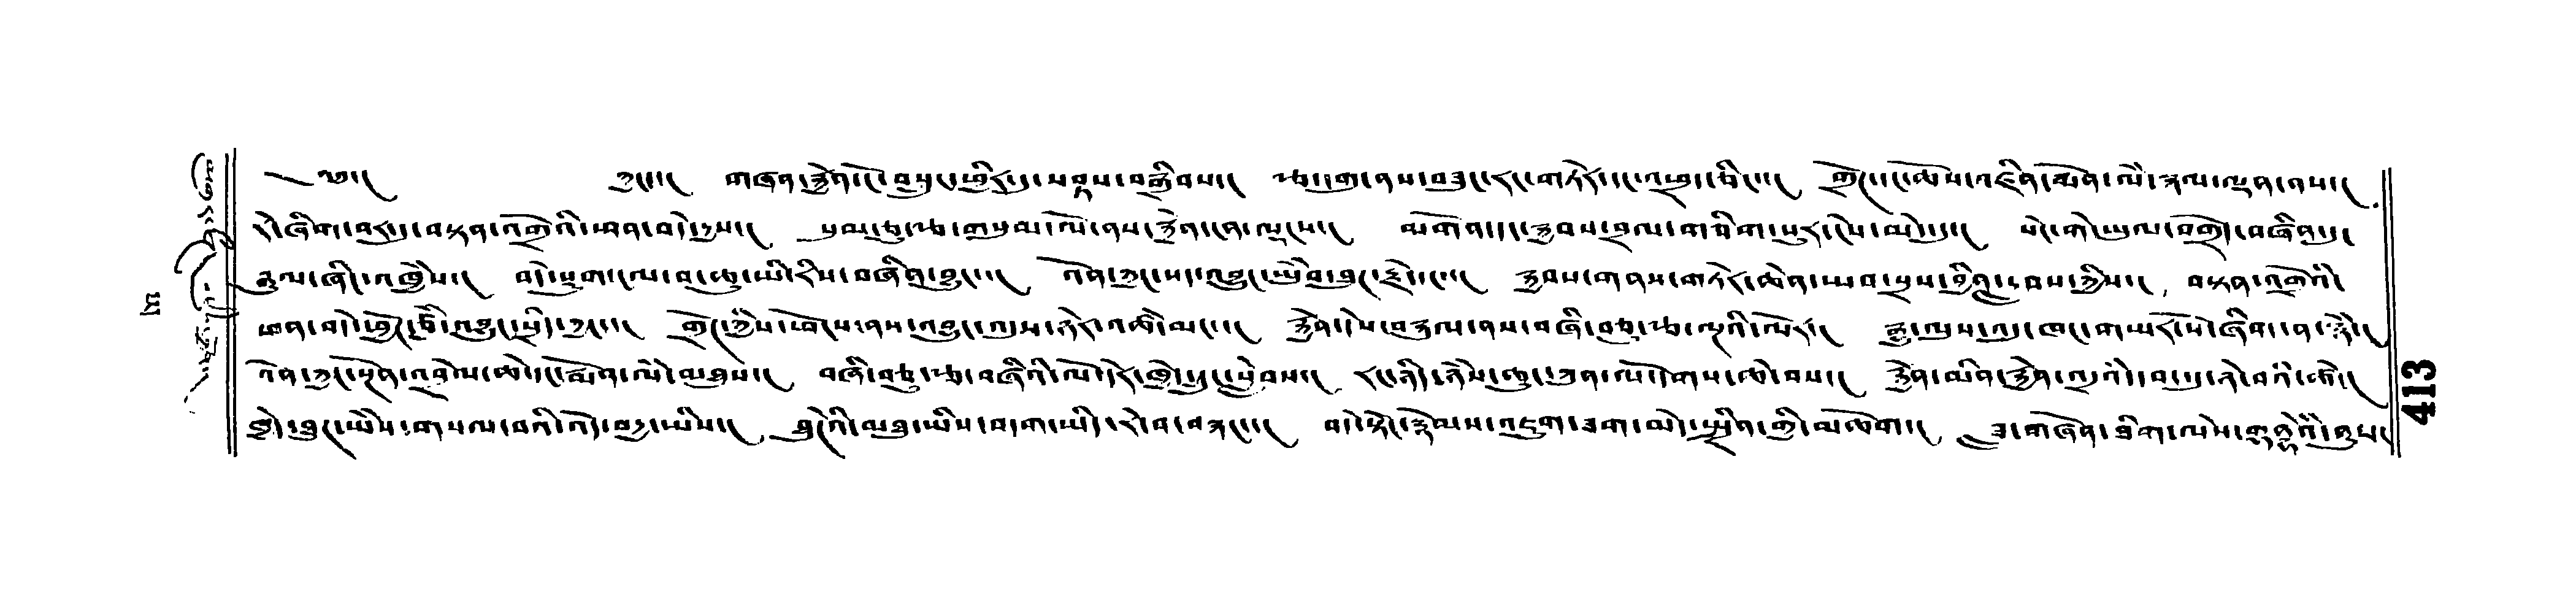ཀྱང་། །གཞན་རྐྱེན་ངོ་བསྲུང་ཕྱིར་དུ་སབྟས་བསྒྲིབས། །རྩ་དགུ་ནས་བཟུང་རང་གཏེར་དང་འཕྲད་ཅིང་། །གྲོགས་དང་ཆོས་འཛིན་སྨོན་ལམ་སྐལ་ལྡན་ནས། །
རེ་ཞིག་བར་དུ་བསྟན་འགྲོའི་ཕན་བདེ་རྒྱས། །སུམ་ཅུ་རྩ་གསུམ་ལོ་ནས་རྐྱེན་ངན་ལྡངས། །མགོན་དང་སྐྱབས་བྲལ་གཅིག་པུར་ངེས་མེད་དུ། །སེང་གེ་ཡུལ་བགྲོད་བཞིན་དུ་
ཉུལ་ཞིང་འཁྱམས། །བདེ་སྡུག་ངལ་བ་ཆུ་ཡི་རིས་བཞིན་བྱུང་། །འོན་ཀྱང་པད་འབྱུང་ཡབ་ཡུམ་ཐུགས་རྗེ་དང་། །སྐྱབས་གནས་གཏེར་ཆེན་ཡབ་སྲས་བྱིན་རླབས་ཀྱིས། །བསྟན་འགྲོའི་
ཕན་བདེ་ཕྱོགས་ཙམ་འབྱུང་སྲིད་ཀྱང་། །གྲོགས་ཀྱིས་ཕོངས་ནས་འབྱུང་འདུས་ཉེར་འཚེ་མང་། །རྐྱེན་དེས་བསྐུལ་ནས་བཞི་བཅུ་རྩ་ལྔའི་ལོར། །སྒྱུ་ལུས་འདུ་ཁང་གཡར་པོ་ཞིག་ན་སྙམ། །
འོན་ཀྱང་སྔོན་འབྲེལ་ཆེ་དང་སྨོན་ལམ་མཐུས། །བཞི་བཅུ་རྩ་བཞིའི་ལོ་དེར་ཁྱེད་དྲུང་སླེབས། །རང་ཉིད་ཉམས་ཆུང་ཀུན་ལ་དོགས་ཆེ་བས། །རྐྱེན་མིན་རྐྱེན་འདྲའི་དབང་དུ་ཉེ་བའི་ཚེ།
ཁྱེད་ཐུགས་ཡེ་ཤེས་གསལ་བའི་འོད་བརྒྱ་ཡིས། །ཐུགས་རྗེའི་མཐུ་ཡིས་བདག་ཡིད་རེ་བ་བསྐང་། །བདེ་སྟོང་སྙོམས་འཇུག་ཟག་མེད་སྤྲིན་གྱི་མཆོག །ཟླ་གཞོན་ཐིག་ལེས་གྷནྡྷེའི་ནུས་